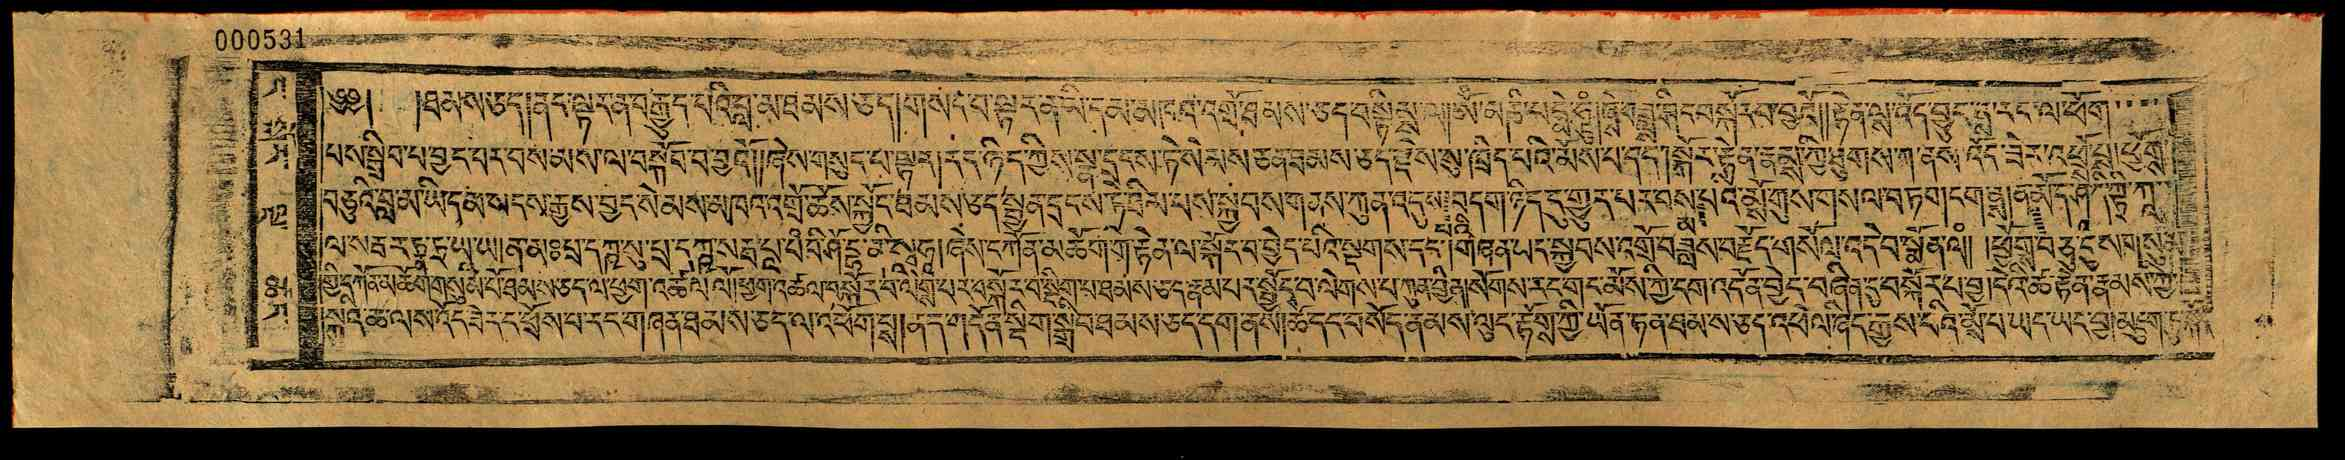༄༅། །ཐམས་ཅད། ནང་ལྟར་ན་བརྒྱུད་པའི་བླ་མ་ཐམས་ཅད། གསང་བ་ལྟར་ན་ཡི་དམ་མཁའ་འགྲོ་ཐམས་ཅད་བསྟིམས་ལ། ཨོཾ་མ་ཎི་པདམེ་ཧཱུཾ། ཞེས་བཟླས་ཤིང་བསྐོར་བ་བྱའོ།། རྟེན་ལས་འོད་ཕྱུང་ནས་རང་ལ་ཕོག་
པས་སྒྲིབ་པ་བྱང་བར་བསམས་ལ་བསྐོར་བ་བྱའོ། །ཞེས་གསུངས་པ་ལྟར། རང་ཉིད་ཀྱིས་སྣ་དྲངས་ཏེ་སེམས་ཅན་ཐམས་ཅད་རྗེས་སུ་ཁྲིད་པའི་མོས་པ་དང་། སྐོར་རྟེན་རྣམས་ཀྱི་ཐུགས་ཀ་ནས་འོད་ཟེར་འཕྲོས་པས། ཕྱོགས་
བཅུའི་བླ་མ་ཡི་དམ་སངས་རྒྱས་བྱང་སེམས་མཁའ་འགྲོ་ཆོས་སྐྱོང་ཐམས་ཅད་སྤྱན་དྲང་སྟེ་ཐིམ་པས་སྐྱབས་གནས་ཀུན་འདུས་པའི་བདག་ཉིད་དུ་གྱུར་པར་བསམ་པའི་མོས་གུས་གསལ་བཏབ། ངག་ནས། ན་མོད་ཤདཀྟི་ཀཱ་
ལ་སརྦ་རཏྣ་ཏྲ་ཡཱ་ཡ། ན་མཿཔྲ་དཀྵ་སུ་པྲ་དཀྵ་སརྦ་པཱི་པི་བི་ཤོ་དྷ་ནེ་སྭཱ་ཧཱ། ཞེས་དཀོན་མཆོག་གི་རྟེན་ལ་སྐོར་འ་བྱེད་པའི་སྔགས་དང་། གཞན་ཡང་སྐྱབས་འགྲོ་བཟླས་བརྗོད་གསོལ་འདེབས་སྨོན་ལམ། །ཕྱོགས་བཅུ་དྲུས་གསུམ་
གྱི་དཀོན་མཆོག་གསུམ་པོ་ཐམས་ཅད་ལ་ཕྱག་འཚལ་ལོ། །ཕྱག་འཚལ་བསྐོར་བ་ལེགས་པར་བསྐོར་བ་སྡིག་པ་ཐམས་ཅད་རྣམ་པར་སྦྱར་བ་ལེགས་པ་ཀུན་བྱིན། སོགས་རང་གང་མོས་ཀྱི་ང་འདོན་བྱེད་བཞིན་དུ་བསྐོར་བ་བྱ། དེའི་ཚེ་རྟེན་རྣམས་ཀྱི་
སྐུའི་ཆ་ལས་འོད་ཟེར་འཕྲོས་པ་རང་གཞན་ཐམས་ཅད་ལ་འཕོག་པས། ནད་གདོན་སྡིག་སྒྲིབ་ཐམས་ཅད་དག་ནས། ཚེ་དང་བསོད་ནམས་ལུང་རྟོགས་ཀྱི་ཡོན་ཏན་ཐམས་ཅད་འཕེལ་ཞིང་རྒྱས་པའི་མོས་པ་ཡང་ཡང་བྱ། མཇུག་ཏུ་སྐོར་